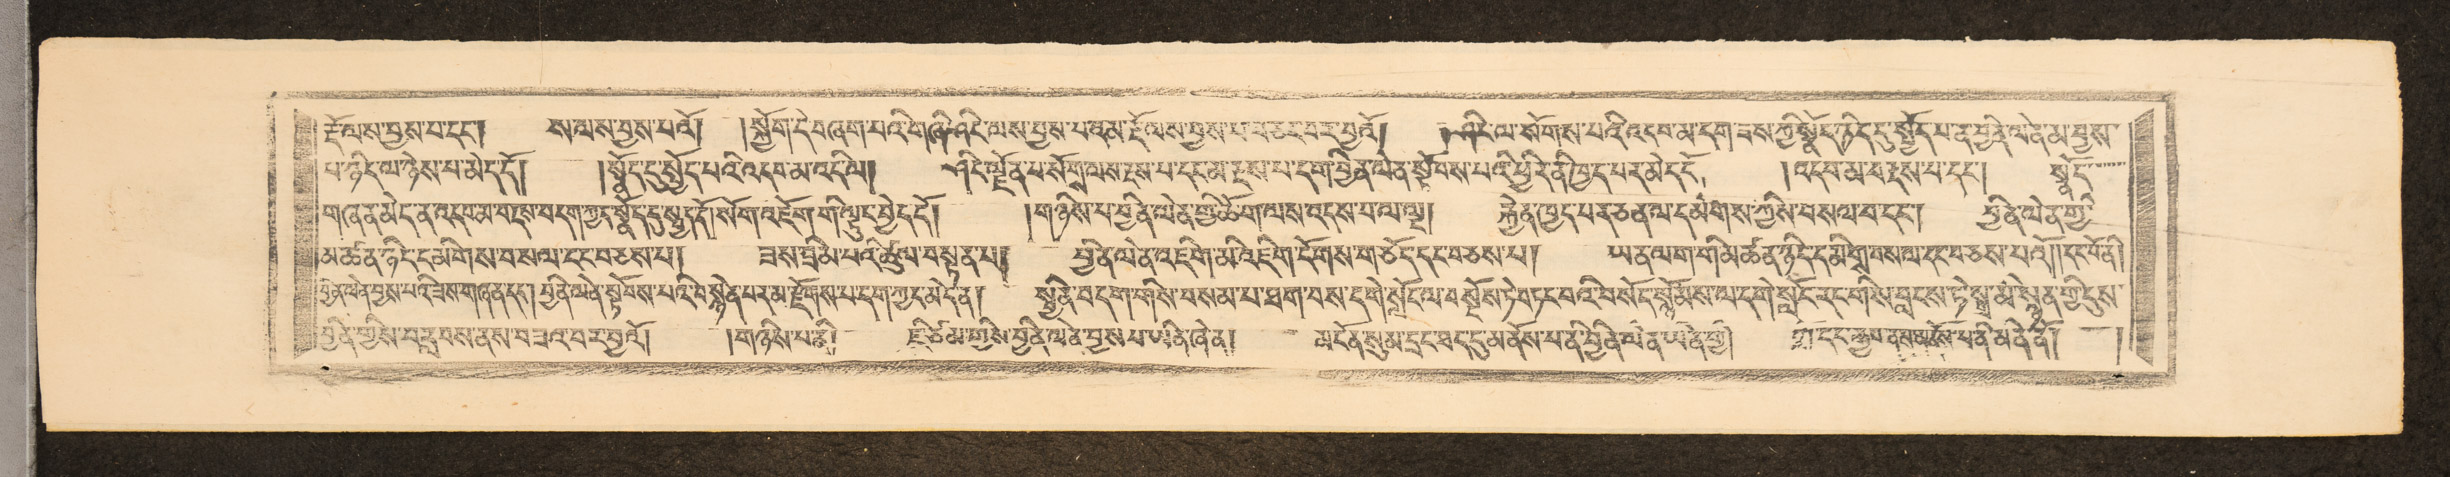རྡོ་ལས་བྱས་པ་དང་། ས་ལས་བྱས་བའོ། །སྐྱོག་དེ་བཞག་པའི་གཞི་ཤིང་ལས་བྱས་པའམ་རྡོ་ལས་བྱས་པ་བཅད་བར་བྱའོ། །ཤིང་ལ་སོགས་པའི་འདབ་མ་དག་ཟས་ཀྱི་སྣོད་ཉིད་དུ་སྤྱོད་པ་ན་བྱིན་ལེན་མ་བྱས་
པ་ཉིད་ལ་ཉེས་པ་མེད་དོ། །སྣོད་དུ་སྤྱོད་པའི་འདབ་མ་འདི་ལ། ཤིང་ལྗོན་པ་སོག་ལས་རྔས་པ་དང་མ་རྔས་བ་དག་བྱིན་ལེན་སྟོབས་པའི་ཕྱིར་ནི་ཁྱད་པར་མེད་དོ། །འདབ་མ་བརྔས་པ་དང་། སྣོད་
གཞན་མེད་ན་འདབ་མ་བརྡས་བ་དག་ཀྱང་སྣོད་དུ་སྦྱར་རོ། སོག་འཇོག་གི་ལྟུང་བྱེད་དོ། །གཉིས་པ་བྱིན་ལེན་གྱི་ཆོ་ག་ལས་འདས་པ་ལ་ལྔ། རྐྱེན་ཁྱད་པར་ཅན་ལ་དམིགས་ཀྱིས་བསལ་པ་དང་། བྱིན་ལེན་གྱི་
མཚན་ཉིད་དམིགས་བསལ་དང་བཅས་པ། ཟས་ཟིམ་པའི་ཚུལ་བསྟན་པ། བྱིན་ལེན་འཇིག་མི་འཇིག་དོགས་གཅོད་དང་བཅས་པ། ཡན་ལག་གི་མཚན་ཉིད་དམིགས་བསལ་དང་བཅས་པའོ། །དང་པོ་ནི།
བྱིན་ལེན་བྱས་པའི་ཟས་གཞན་དང་། བྱིན་ལེན་སྟོབས་པའི་བསྙེན་པར་མ་རྫོགས་པ་དག་ཀྱང་མེད་ན། སྦྱིན་བདག་གིས་བསམ་པ་ཐག་པས་དགེ་སློང་ལ་བསྔོས་ཏེ་བཏང་བའི་བསོད་སྙོམས་ལ་དགེ་སློང་རང་གིས་བླངས་ཏེ་སྒྲ་མི་སྙན་གྱི་དུས་
བྱིན་གྱིས་བརླབས་ནས་བཟའ་བར་བྱའོ། །གཉིས་པ་ནི། ཇི་ཙམ་གྱིས་བྱིན་ལེན་བྱས་པ་ཡིན་ཞེ་ན། མངོན་སུམ་དྲང་ཐད་དུ་མནོས་པ་ནི་བྱིན་ལེན་ཡིན་གྱི། གློ་དང་རྒྱབ་ནས་མནོས་པ་ནི་མིན་ནོ། །